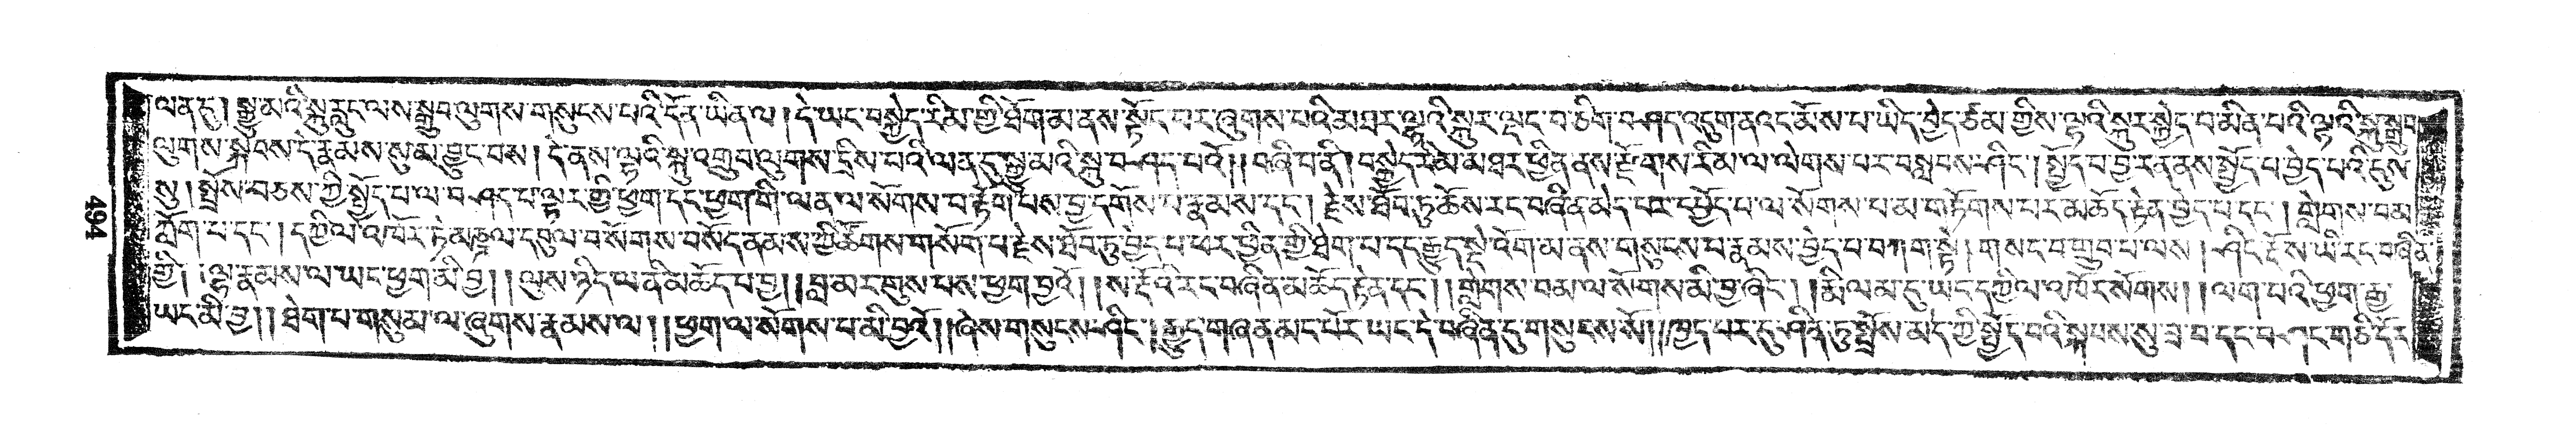ལན་དུ། སྒྱུ་མའི་སྐུ་རླུང་ལས་སྒྲུབ་ལུགས་གསུགནས་པའི་དོན་ཡིན་ལ། དེ་ཡང་བསྐྱེད་རིམ་གྱི་ཐོག་མ་ནས་སྟོང་པར་ཞུགས་པའི་མཐར་ལྷའི་སྐུར་ལྡང་བ་ཅིག་བཤད་འདུག་ནའང་མོས་པ་ཡིད་བྱེད་ཙམ་གྱིས་ལྷའི་སྐུར་སྐྱེད་པ་མིན་པའི་ལྷའི་སྐུ་སྒྲུབ་
ལུགས་སྐབས་དེ་རྣམས་སུ་མ་བྱུང་བས། དེ་ནས་ལྷའི་སྐུ་འགྲུབ་ལུགས་དྲིས་པའི་ལན་དུ་སྒྱུ་མའི་སྐུ་བཤད་པའོ། །བཞི་པ་ནི། བསྐྱེད་རིམ་མཐར་ཕྱིན་ནས་རྫོགས་རིམ་ལ་ལེགས་པར་བསླབས་ཤིང་།སྤྱོད་པ་བྱ་རན་ནས་སྤྱོད་པ་བྱེད་པའི་དུས་
སུ། སྤྲོས་བཅས་ཀྱི་སྤྱོད་པ་ལ་བཤད་པ་ལྟར་གྱི་ཕྱག་དང་ཕྱག་གི་ལན་ལ་སོགས་པ་རྟོག་པས་བྱ་དགོས་པ་རྣམས་དང་། རྗེས་ཐོབ་ཏུ་ཆོས་རང་བཞིན་མེད་པར་དཔྱོད་པ་ལ་སོགས་པ་མ་གཏོགས་པར་མཆོད་རྟེན་བྱེད་པ་དང་། གླེགས་བམ་
ཀློག་པ་དང་། དཀྱིལ་འཁོར་ཏེ་མཎྜལ་དབུལ་བ་སོགས་བསོད་ནམས་ཀྱི་ཚོགས་གསོག་པ་རྗེས་ཐོབ་ཏུ་བྱེད་པ་ཕར་ཕྱིན་གྱི་ཐེག་པ་དང་རྒྱུད་སྡེ་འོག་མ་ནས་གསུངས་པ་རྣམས་བྱེད་པ་བཀག་སྟེ། གསང་བ་གྲུབ་པ་ལས། ཤིང་རྡོ་ས་ཡི་རང་བཞིན་
གྱི། །ལྷ་རྣམས་ལ་ཡང་ཕྱག་མི་བྱ། །ལུས་ཉིད་ལ་ནི་མཆོད་པ་བྱ། །བླ་མར་གུས་པས་ཕྱག་བྱའོ། །ས་རྡོའི་རང་བཞི་ན་མཆོད་རྟེན་དང་། །གླེགས་བམ་ལ་སོགས་མི་བྱ་ཞིང་། །རྨི་ལམ་དུ་བྱང་དཀྱིལ་འཁོར་སོགས། །ལག་པའི་ཕྱག་རྒྱ་
ཡང་མི་བྱ། །ཐེག་པ་གསུམ་ལ་ཞུགས་རྣམས་ལ། །ཕྱག་ལ་སོགས་པ་མི་བྱའོ། །ཞེས་གསུངས་ཤིང་། རྒྱུད་གཞན་མང་པོར་ཡང་དེ་བཞིན་དུ་གསུངས་སོ། །ཁྱད་དུ་ཤིན་ཏུ་སྤྲོས་མེད་ཀྱི་སྤྱོད་པའི་སྐབས་སུ་ཟ་བ་དང་བཤང་གཅི་དོར་